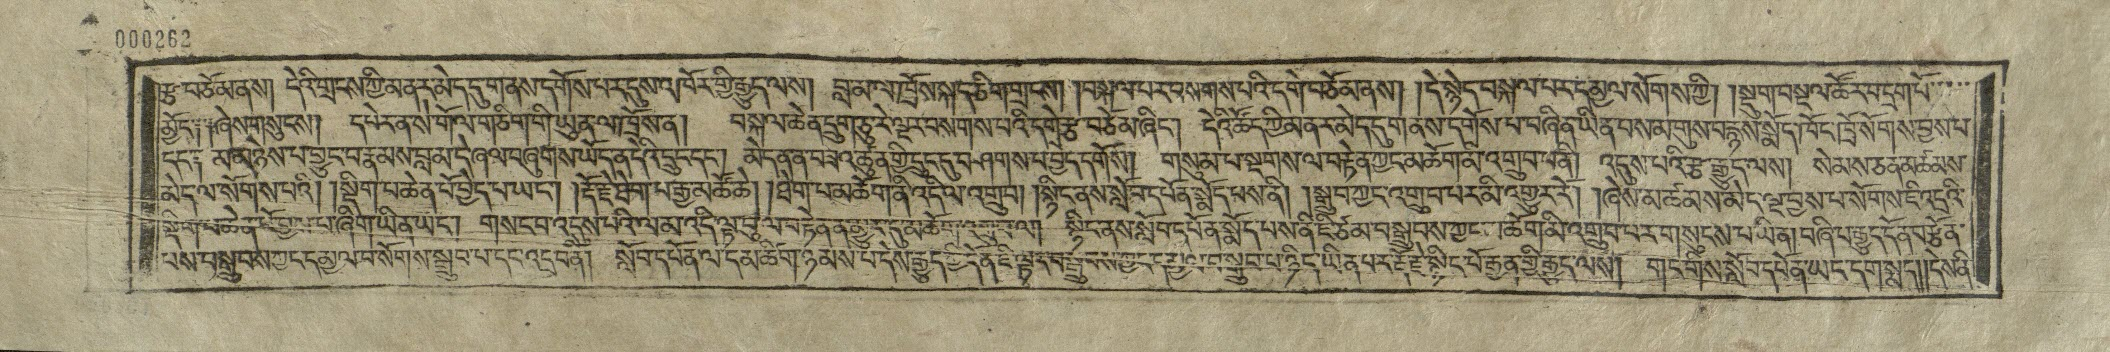རྩ་བཅོམ་ནས། དེའི་གྲངས་ཀྱི་མནར་མེད་དུ་གནས་དགོས་པར་དུས་འཁོར་གྱི་རྒྱུད་ལས། བླ་མ་ལ་ཁྲོས་སྐད་ཅིག་གྲངས། །བསྐལ་པར་བསགས་པའི་དགེ་བཅོམ་ནས། །དེ་སྙེད་བསྐལ་པར་དམྱལ་སོགས་ཀྱི། །སྡུག་བསྔལ་ཚོར་བ་དྲག་པོ་
མྱོང༑ ༑ཞེས་གསུངས། དཔེར་ན་སེ་གོལ་གཅིག་གི་ཡུན་ལ་ཁྲོས་ན། བསྐལ་ཆེན་དྲུག་ཅུ་རེ་ལྔར་བསགས་པའི་དགེ་རྩ་བཅོམ་ཞིང་། དེའི་ཚོད་ཀྱི་མནར་མེད་དུ་གནས་དགོས་པ་བཞིན་ཡིན་པས་མ་གུས་བརྙས་སྨོད་ཁོང་ཁྲོ་སོགས་བྱས་པ་
དང༑ མ་མཉེས་པ་བྱུང་བ་རྣམས་བླ་མ་དེ་ཞལ་བཞུགས་ཡོད་ན་དེའི་དྲུང་དང་། མེད་ན་ན་བཟའ་ཚུན་གྱི་དྲུང་དུ་བཤགས་པ་བྱེད་དགོས། གསུམ་པ་སྔགས་ལ་བརྟེན་ཀྱང་མཆོག་མི་འགྲུབ་པ་ནི། འདུས་པའི་རྩ་རྒྱུད་ལས། སེམས་ཅན་མཚམས་
མེད་ལ་སོགས་པའི། །སྡིག་པ་ཆེན་པོ་བྱེད་པ་ཡང་། །རྡོ་རྗེ་ཐེག་པ་རྒྱ་མཚོ་ཆེ། །ཐེག་པ་མཆོག་ནི་འདི་ལ་འགྲུབ། །སྙིང་ནས་སློབ་དཔོན་སྨོད་པས་ནི། །སྒྲུབ་ཀྱང་འགྲུབ་པར་མི་འགྱུར་རོ། །ཞེས་མཚམས་མེད་ལྔ་བྱས་པ་སོགས་ཇི་འདྲའི་
སྡིག་པ་ཆེན་པོ་བྱས་པ་ཞིག་ཉིན་ཡང་། གསང་བ་འདུས་པའི་ལམ་འདི་ལྟ་བུ་ལ་བརྟེན་ན་མྱུར་དུ་མཆོག་འགྲུབ་ལ། སྙིང་ནས་སློབ་དཔོན་སྨོད་པས་ནི་ཇི་ཙམ་བསྒྲུབས་ཀྱང་མཆོག་མི་འགྲུབ་པར་གསུངས་པ་ཡིན། བཞི་པ་རྒྱུད་དོན་བརྩོན་
པས་བསྒྲུབས་ཀྱང་དམྱལ་བ་སོགས་སྒྲུབ་པ་དང་འདྲ་བ་ནི། སློབ་དཔོན་ལ་དམ་ཚིག་ཉམས་པ་དེས་རྒྱུད་ཀྱི་དོན་ཇི་ལྟར་བསྒྲུབས་ཀྱང་དམྱལ་བ་སྒྲུབ་པ་ཉིད་ཡིན་པར་རྡོ་རྗེ་སྙིང་པོ་རྒྱན་གྱི་རྒྱུད་ལས། གང་གིས་སློབ་དཔོན་ཡང་དག་སྨད། །དེས་ན་